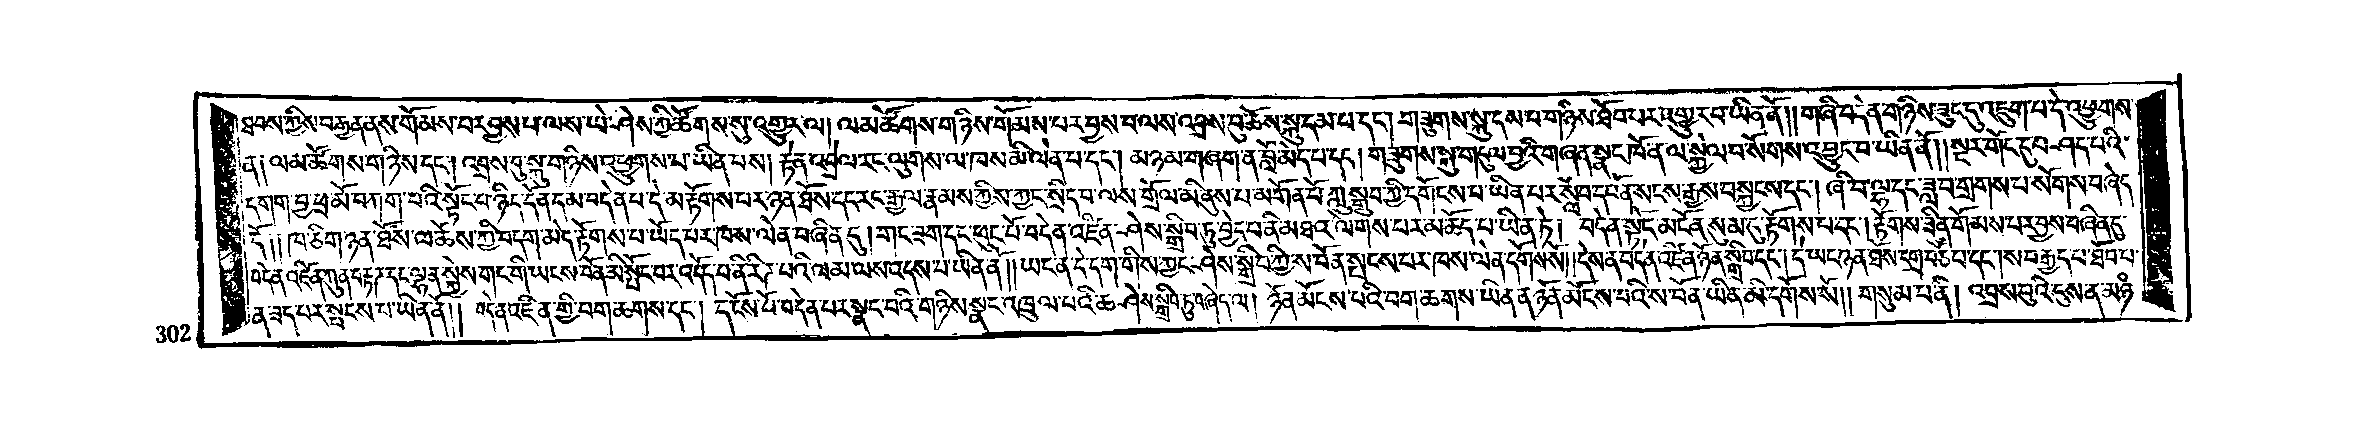ཐབས་ཀྱིས་བརྒྱན་ནས་གོམས་པར་བྱས་པ་ལས་ཡེ་ཤེས་ཀྱི་ཚོགས་སུ་འགྱུར་ལ། ལམ་ཚོགས་གཉིས་གོམས་པར་བྱས་པ་ལས་འབྲས་བུ་ཆོས་སྐུ་དམ་པ་དང་། གཟུགས་སྐུ་དམ་པ་གཉིས་ཐོབ་པར་འགྱུར་བ་ཡིན་ནོ། །གཞི་བདེན་གཉིས་ཟུང་དུ་འཇུག་པ་དེ་འཕྱུགས་
ན། ལམ་ཚོགས་གཉིས་དང་། འབྲས་བུ་སྐུ་གཉིས་འཕྱུགས་པ་ཡིན་པས། རྟེན་འབྲེལ་རང་ལུགས་ལ་ཁས་མི་ལེན་པ་དང་། མཉམ་གཞག་ན་བློ་མེད་པ་དང་། གཟུགས་སྐུ་གདུལ་བྱའི་གཞན་སྣང་ཁོ་ན་ལ་སྐྱེལ་བ་སོགས་འབྱུང་བ་ཡིན་ནོ། །སྔར་གོང་དུ་བཤད་པའི་
དགག་བྱ་ཕྲ་མོ་བཀག་པའི་སྟོང་པ་ཉིད་དོན་དམ་བདེན་པ་དེ་མ་རྟོགས་པར་ཉན་ཐོས་དང་རང་རྒྱལ་རྣམས་ཀྱིས་ཀྱང་སྲིད་པ་ལས་གྲོལ་མི་ནུས་པ་མགོན་པོ་ཀླུ་སྒྲུབ་ཀྱི་དགོངས་པ་ཡིན་པར་སློབ་དཔོན་སངས་རྒྱས་བསྐྱངས་དང་། ཞི་བ་ལྷ་དང་ཟླ་བ་གྲགས་པ་སོགས་བཞེད་
དོ། །ཁ་ཅིག་ཉན་ཐོས་ལ་ཆོས་ཀྱི་བདག་མེད་རྟོགས་པ་ཡོད་པར་ཁས་ལེན་བཞིན་དུ། གང་ཟག་དང་ཕུང་པོ་བདེན་འཛིན་ཤེས་སྒྲིབ་ཏུ་བྱེད་པ་ནི་མཐའ་ལེགས་པར་མཆོད་པ་ཡིན་ཏེ། བདེན་སྟོང་མངོན་སུམ་དུ་རྟོགས་པ་དང་། རྟོགས་ཞིན་གོམས་པར་བྱས་བཞིན་དུ་
བདེན་འཛིན་ཀུན་བརྟགས་དང་ལྷན་སྐྱེས་གང་གི་ཡང་ས་བོན་མི་སྤོང་བར་འདོད་པ་ནི་རིགས་པའི་ལམ་ལས་འདས་པ་ཡིན་ནོ། །ཡང་ན་དེ་དག་གིས་ཀྱང་ཤེས་སྒྲིབ་ཀྱི་ས་བོན་སྤངས་པར་ཁས་ལེན་དགོས་སོ། །དེས་ན་བདེན་འཛིན་ཉོན་སྒྲིབ་དང་། དེ་ཡང་ཉན་ཐོས་དགྲ་བཅོམ་པ་དང་། ས་བརྒྱད་པ་ཐོབ་པ་
ན་ཟད་པར་སྤངས་པ་ཡིན་ནོ། །བདེན་འཛིན་གྱི་བག་ཆགས་དང་། དངོས་པོ་བདེན་པར་སྣང་བའི་གཉིས་སྣང་འཁྲུལ་པའི་ཆ་ཤེས་སྒྲིབ་ཏུ་བཞེད་ལ། ཉོན་མོངས་པའི་བག་ཆགས་ཡིན་ན་ཉོན་མོངས་པའི་ས་བོན་ཡིན་མི་དགོས་སོ། །གསུམ་པ་ནི། །འབྲས་བུའི་དུས་ན་མཉམ་